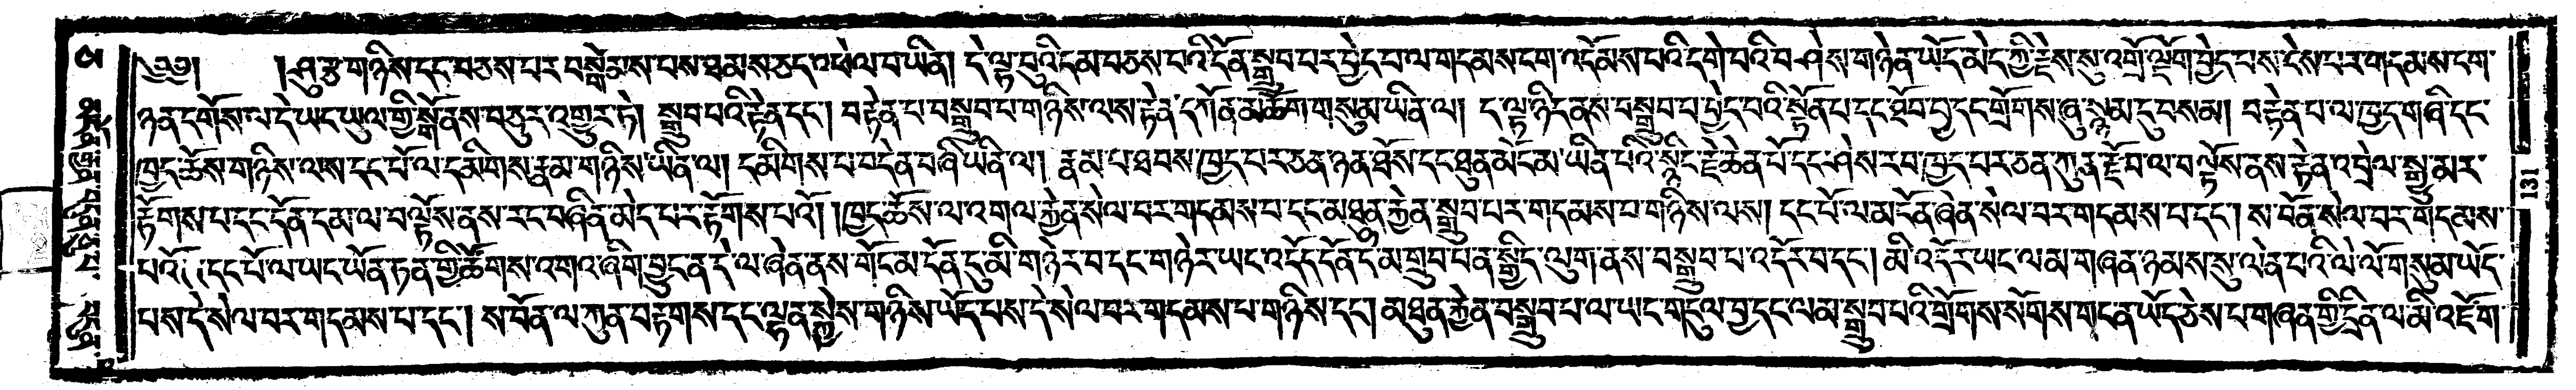༄༅། །ཤུ་རྩ་གཉིས་དང་བཅས་པར་བསྒོམས་པས་ཐམས་ཅད་འཕེལ་བ་ཡིན། དེ་ལྟ་བུའི་དམ་བཅས་པའི་དོན་སྒྲུབ་པར་བྱེད་པ་ལ་གདམས་ངག་འདོམས་པའི་དགེ་བའི་བཤེས་གཉེན་ཡོད་མེད་ཀྱི་རྗེས་སུ་འགྲོ་ལྡོག་བྱེད་པས་ངེས་པར་གདམས་ངག་
ཉན་དགོས་ལ་དེ་ཡང་ཡུལ་གྱི་སྒོ་ནས་བཅུར་འགྱུར་ཏེ། སྒྲུབ་པའི་རྟེན་དང་། བརྟེན་པ་བསྒྲུབ་པ་གཉིས་ལས་རྟེན་དཀོན་མཆོག་གསུམ་ཡིན་ལ། ད་ལྟ་ཉིད་ནས་བསྒྲུབ་པ་བྱེད་པའི་སྟོན་པ་དང་ཐོབ་བྱ་དང་གྲོགས་ཞུ་སྙམ་དུ་བསམ། བརྟེན་པ་ལ་ཁྱད་གཞི་དང་
ཁྱད་ཆོས་གཉིས་ལས་དང་པོ་ལ་དམིགས་རྣམ་གཉིས་ཡིན་ལ། དམིགས་པ་བདེན་བཞི་ཡིན་ལ། རྣམ་པ་ཐབས་ཁྱད་པར་ཅན་ཉན་ཐོས་དང་ཐུན་མོང་མ་ཡིན་པའི་སྙིང་རྗེ་ཆེན་པོ་དང་ཤེས་རབ་ཁྱད་པར་ཅན་ཀུན་རྫོབ་ལ་བལྟོས་ནས་རྟེན་འབྲེལ་སྒྱུ་མར་
རྟོགས་པ་དང་དོན་དམ་ལ་བལྟོས་ནས་རང་བཞིན་མེད་པར་རྟོགས་པའོ། །ཁྱད་ཆོས་ལ་འགལ་རྐྱེན་སེལ་བར་གདམས་པ་དང་མཐུན་རྐྱེན་སྒྲུབ་པར་གདམས་པ་གཉིས་ལས། དང་པོ་ལ་མངོན་ཞེན་སེལ་བར་གདམས་པ་དང་། ས་བོན་སེལ་བར་གདམས་
པའོ། །དང་པོ་ལ་ཡང་ཡོན་ཏན་གྱི་ཚོགས་འགའ་ཞིག་བྱུང་ན་དེ་ལ་ཞེན་ནས་གོང་མ་དོན་དུ་མི་གཉེར་བ་དང་གཉེར་ཡང་འདོད་དོན་དེ་མ་གྲུབ་པ་ན་སྒྱིད་ལུག་ནས་བསྒྲུབ་པ་འདོར་བ་དང་། མི་འདོར་ཡང་ལམ་གཞན་ཉམས་སུ་ལེན་པའི་ལེ་ལོ་གསུམ་ཡོད་
པས་དེ་སེལ་བར་གདམས་པ་དང་། ས་བོན་ལ་ཀུན་བརྟགས་དང་ལྷན་སྐྱེས་གཉིས་ཡོད་པས་དེ་སེལ་བར་གདམས་པ་གཉིས་དང་། མཐུན་རྐྱེན་བསྒྲུབ་པ་ལ་ཡང་གདུལ་བྱ་དང་ལམ་སྒྲུབ་པའི་གྲོགས་སོགས་གང་ན་ཡོད་ཅེས་པ་གཞན་གྱི་དྲིན་ལ་མི་འཛོག་